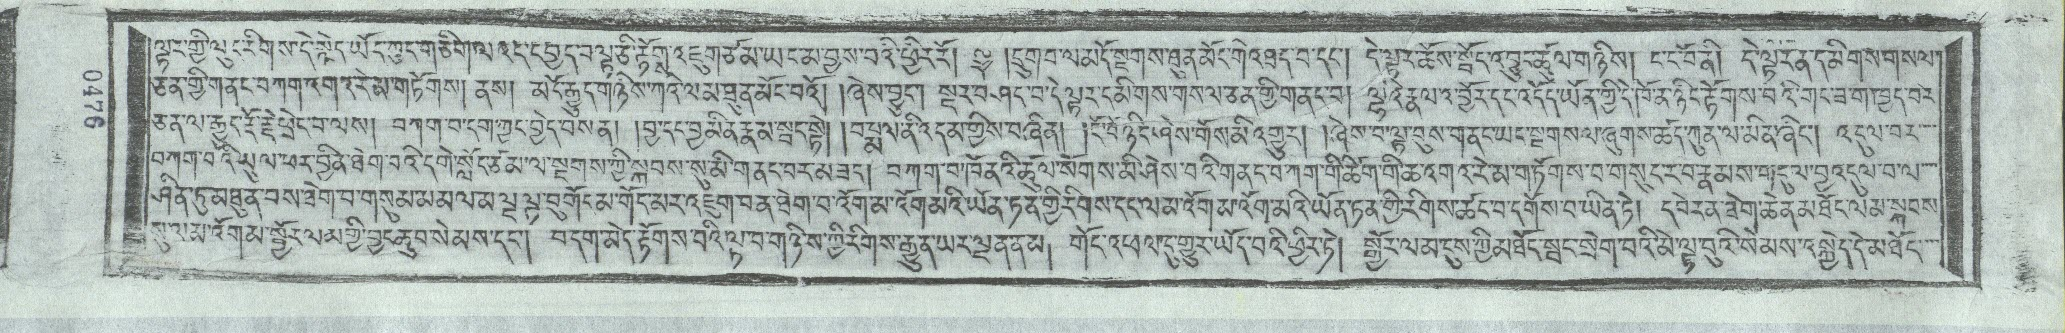ལྟར་གྱི་ལུང་རིགས་དེ་སྙེད་ཡོད་ཀྱང་གཅིག་ལའང་དབྱད་བལྟ་ཅི་རྟོགས་འཇུག་ཙམ་ཡང་མ་བྱས་པའི་ཕྱིར་རོ། ༈ །དྲུག་པ་ལ་མདོ་སྔགས་ཐུན་མོང་གེ་འཐད་པ་དང་། དེ་ལྟར་ཆོས་སྨོད་འགྱུར་ཚུལ་གཉིས། ད་ང་བོ་ནི། དེ་ལྟར་ན་དམིགས་གསལ་
ཅན་གྱི་གནང་བཀག་འགའ་རེ་མ་གཏོགས། ནས། མདོ་རྒྱུད་གཉིས་ཀའི་ལ་མཐུ་མོང་བའོ། །ཞེས་བྱུང་། སྔར་བཤད་བ་དེ་ལྟར་དམིགས་གསལ་ཅན་གྱི་གནང་བ། ལྷའི་རྣལ་འབྱོར་དང་འདོད་ཡོན་གྱི་དེ་ཁོ་ན་ཉིད་རྟོགས་པའི་གང་ཟག་ཁྱད་བར་
ཅན་ལ་རྒྱུད་རྡོ་རྗེ་ཕྲེང་བ་ལས། བཀག་བ་དག་ཀྱང་བྱེད་བྱས་ན། །བྱ་དང་བྱ་མིན་རྣམ་སྤང་སྟེ། །བ་པྨལ་ནི་འདམ་གྱིས་བཞིན། །ངོ་བོ་ཉིད་ཤེས་གོས་མི་འགྱུར། །ཞེས་བ་ལྟ་བུས་གནང་ཡང་སྔགས་ལ་ཞུགས་ཚད་ཀུན་ལ་མིན་ཞིང་། འདུལ་བར་
བཀག་བའི་ཡུལ་ཕར་བྱིན་མ་ཐེག་པའི་དགེ་སློང་ཙམ་ལ་སྔགས་ཀྱི་སྐབས་སུ་མི་གནང་བར་མ་ཟད། བཀག་པ་ཁོ་ནའི་ཚུལ་སོགས་མི་ཤེས་པའི་གནང་བ་ཀག་གི་ཚིག་གི་ཆ་འགའ་རེ་མ་གཏོགས་བ་གསུང་རབ་རྣམས་གདུལ་བྱ་འདུལ་བ་ལ་
ཤིན་ཏུ་མཐུན་བས་ཟེག་བ་གསུམ་མར་ལམ་སྔ་ལྟ་བུ་གོང་མ་གོང་མར་འཇུག་པ་ན་ཐེག་པ་འོག་མ་འོག་མའི་ཡོན་ཏན་གྱི་རིགས་དང་ལ་མ་འོག་མའི་ཡོན་ཏན་གྱི་རིགས་ཚང་བ་དགོས་པ་ཡིན་ཏེ། དཔེར་ན་ཐེག་ཆེན་མཐོང་ལམ་སྐབས་
སུ་མ་འོག་མ་སྦྱོར་ལམ་གྱི་བྱང་ཆུབ་སེམས་དང་། བདག་མེད་རྟོགས་པའི་ལྟ་བ་གཉིས་ཀྱི་རིགས་རྒྱུན་ཡར་ལྡན་ནམ། གོང་འཕལ་དུ་གྱུར་ཡོད་པའི་ཕྱིར་ཏེ། སྒྱོར་ལམ་དུས་ཀྱི་མཐོང་སྤང་སྲོག་བའི་མེ་ལྟ་བུའི་སེམས་བསྐྱེད་དེ་མཐོང་